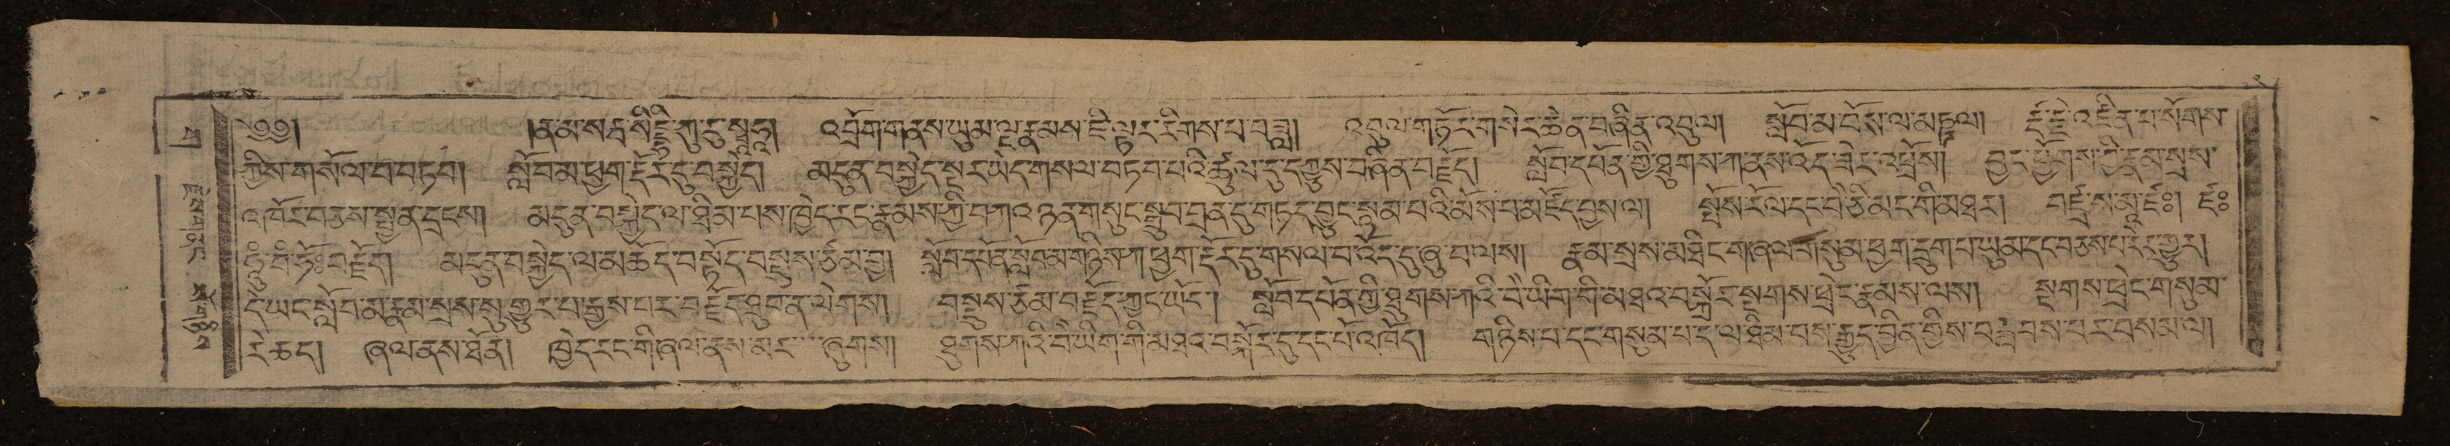༄༅། །ན་མ་སརྦ་སིདྡྷི་ཀུ་རུ་སྭཱཧཱ། འབྲོག་གནས་ཡུམ་ལྔ་རྣམས་ཇི་ལྟར་རིགས་པ་བཟླ། འབུལ་གཏོར་གསེར་ཆེན་བཞིན་འབུལ། སློབ་མ་བོས་ལ་མཎྜལ། རྡོ་རྗེ་འཛིན་པ་སོགས་
ཀྱིས་གསོལ་བ་བཏབ། སློབ་མ་ཕྱག་རྡོར་དུ་བསྐྱེད། མདུན་བསྐྱེད་སྔར་ཡོད་གསལ་བཏབ་པའི་ཚུལ་དུ་དཀྱུས་བཞིན་བརྗོད། སློབ་དཔོན་གྱི་ཐུགས་ཀ་ནས་འོད་ཟེར་འཕྲོས། བྱང་ཕྱོགས་ཀྱི་རྣམ་སྲས་
འཁོར་བཅས་སྤྱན་དྲངས། མདུན་བསྐྱེད་ལ་ཐིམ་པས་ཁྱེད་རང་རྣམས་ཀྱི་བཀའ་ཉན་གསུང་སྒྲུབ་བྲན་དུ་གཏད་བྱུང་སྙམ་པའི་མོས་པ་མཛོད་བྱས་ལ། སྤོས་རོལ་དང་བཻ་ཅི་མང་གི་མཐར། བཛྲ་ས་མཱ་ཛཿ། ཛཿ
ཧཱུཾ་བཾ་ཧོཿབརྗོད། མདུན་བསྐྱེད་ལ་མཆོད་བསྟོད་བསྡུས་ཙམ་བྱ། སློབ་དཔོན་སློབ་མ་གཉིས་ཀ་ཕྱག་རྡོར་དུ་གསལ་བ་འོད་དུ་ཞུ་བ་ལས། རྣམ་སྲས་མཐིང་གཞལ་གསུམ་ཕྱག་དྲུག་པ་ཡུམ་དང་བཅས་པར་འགྱུར།
དེ་ཡང་སློབ་མ་རྣམ་སྲས་སུ་གྱུར་པ་རྒྱས་པར་བརྗོད་ཐུབ་ན་ལེགས། བསྡུས་ཙམ་བརྗོད་ཀྱང་ཡོད། སློབ་དཔོན་གྱི་ཐུགས་ཀའི་བཻ་ཡིག་གི་མཐའ་བསྐོར་སྔགས་ཕྲེང་རྣམས་ལས། སྔགས་ཕྲེང་གསུམ་
རེ་ཆད། ཞལ་ནས་ཐོན། ཁྱེད་རང་གི་ཞལ་ནས་མར་ཞུགས། ཐུགས་ཀའི་བཻ་ཡིག་གི་མཐའ་བསྐོར་དུ་དང་པོ་འཁོད། གཉིས་པ་དང་གསུམ་པ་དེ་ལ་ཐིམ་པས་རྒྱུད་བྱིན་གྱིས་བརླབས་པར་བསམ་ལ།